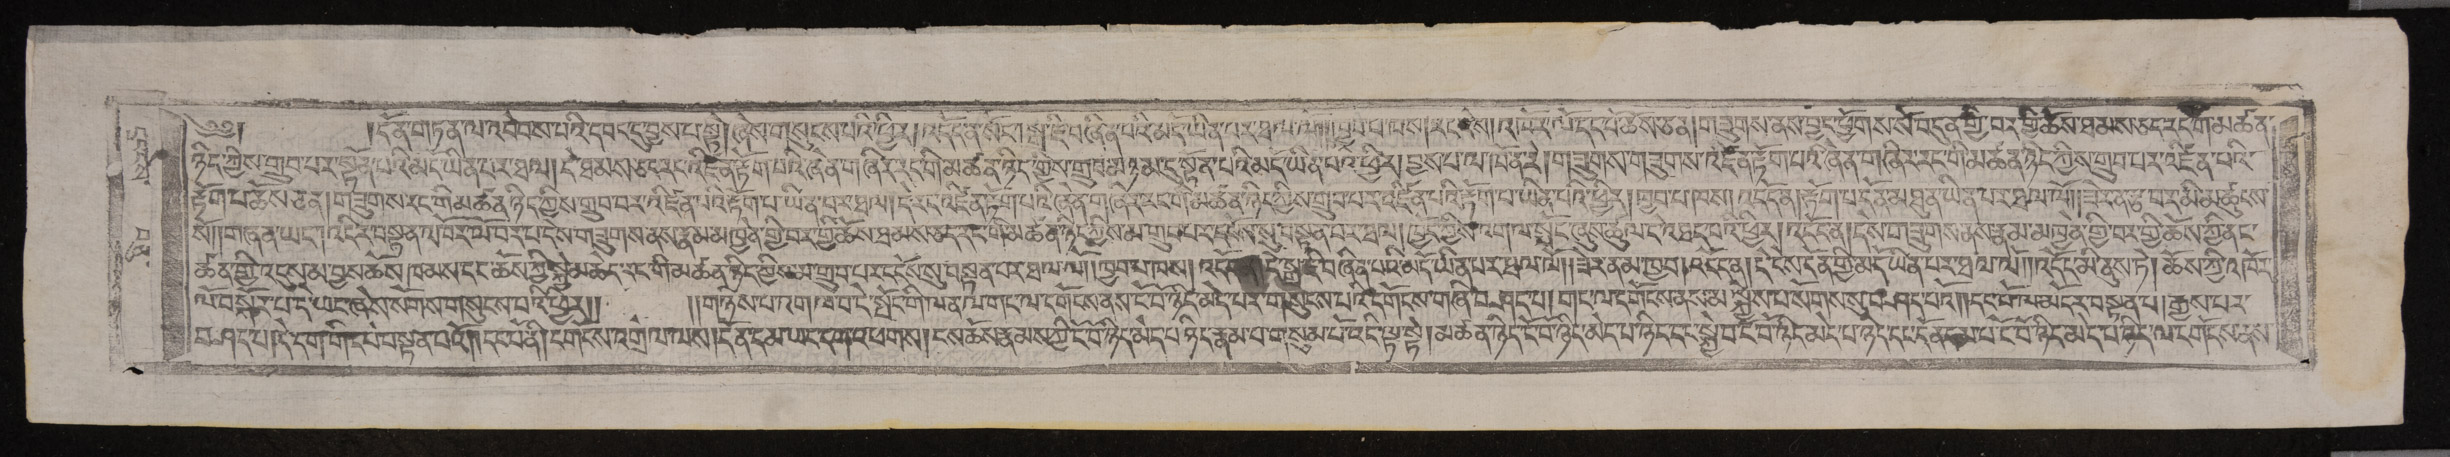༄༅། །དོན་གཏན་ལ་འབེབས་པའི་དབང་དུ་བྱས་པ་སྟེ། ཞེས་གསུངས་པའི་ཕྱིར། འདོད་ན་སོང་། སྒྲ་ཇི་བཞིན་པའི་མདོ་ཡིན་པར་ཐལ་ལོ། །ཁྱབ་པ་ཁས། རང་དེས། འཁོར་ལོ་དང་པོ་ཆོས་ཅན། གཟུགས་ནས་བྱང་ཕྱོགས་སོ་བདུན་གྱི་བར་གྱི་ཆོས་ཐམས་ཅད་རང་གི་མཚན་
ཉིད་ཀྱིས་གྲུབ་པར་སྟོན་པའི་མདོ་ཡིན་པར་ཐལ། དེ་ཐམས་ཅད་རང་འཛིན་རྟོག་པའི་ཞེན་གཞིར་རང་གི་མཚན་ཉིད་ཀྱིས་གྲུབ་མཉམ་དུ་སྟོན་པའི་མདོ་ཡིན་པའི་ཕྱིར། བྱས་པ་ལ་ཁོ་ན་རེ། གཟུགས་གཟུགས་འཛིན་རྟོག་པའི་ཞེན་གཞིར་རང་གི་མཚན་ཉིད་ཀྱིས་གྲུབ་པར་འཛིན་པའི་
རྟོག་པ་ཆོས་ཅན། གཟུགས་རང་གི་མཚན་ཉིད་ཀྱིས་གྲུབ་པར་འཛིན་པའི་རྟོག་པ་ཡིན་པར་ཐལ། དེ་རང་འཛིན་རྟོག་པའི་ཞེན་གཞིར་རང་གི་མཚན་ཉིད་ཀྱིས་གྲུབ་པར་འཛིན་པའི་རྟོག་པ་ཡིན་པའི་ཕྱིར། ཁྱབ་པ་ཁས། འདོད་ན། རྟོག་པ་དོན་མཐུན་ཡིན་པར་ཐལ་ལོ། །ཟེར་ན་རྩ་བར་མི་མཚུངས་
སོ༑ ༑གཞན་ཡང་། འདིར་བསྟན་འཁོར་ལོ་བར་པ་དེས་གཟུགས་ནས་རྣམ་མཁྱེན་གྱི་བར་གྱི་ཆོས་ཐམས་ཅད་རང་གི་མཚན་ཉིད་ཀྱིས་མ་གྲུབ་པར་དངོས་སུ་བསྟན་པར་ཐལ། ཁྱོད་ཀྱིས་འགལ་སྤོང་ཞུས་ཚུལ་དེ་འཐད་པའི་ཕྱིར། འདོད་ན། དེས་གཟུགས་ནས་རྣམ་མཁྱེན་གྱི་བར་གྱི་ཆོས་ཀྱི་ནང་
ཚན་གྱི་འདུས་མ་བྱས་ཆོས་ཁམས་དང་ཆོས་ཀྱི་སྐྱེ་མཆེད་རང་གི་མཚན་ཉིད་ཀྱིས་མ་གྲུབ་པར་དངོས་སུ་བསྟན་པར་ཐལ་ལོ། །ཁྱབ་པ་ཁས། འདོད་ན། དེ་སྒྲ་ཇི་བཞིན་པའི་མདོ་ཡིན་པར་ཐལ་ལོ། །ཟེར་ན་མ་ཁྱབ། འདོད་ན། དེ་ངེས་དོན་གྱི་མདོ་ཡིན་པར་ཐལ་ལོ། །འདོད་མི་ནུས་ཏེ། ཆོས་ཀྱི་འཁོར་
ལོ་བསྐོར་བ་དེ་ཡང་ཞེས་སོགས་གསུངས་པའི་ཕྱིར།། །།གཉིས་པ་འགལ་བ་དེ་སྤོང་གི་ལན་ལ་གང་ལ་དགོངས་ནས་ངོ་བོ་ཉིད་མེད་པར་གསུངས་པའི་དགོངས་གཞི་བཤད་པ། གང་ལ་དགོངས་ནས་མ་སྐྱེས་པ་སོགས་སུ་བཤད་པའོ། །དང་པོ་ལ་མདོར་བསྟན་པ། རྒྱས་པར་
བཤད་པ། དེ་དག་གི་དཔེ་བསྟན་པའོ། །དང་པོ་ནི། དགོངས་འགྲེལ་ལས། དོན་དམ་ཡང་དག་འཕགས། ངས་ཆོས་རྣམས་ཀྱི་ངོ་བོ་ཉིད་མེད་པ་ཉིད་རྣམ་པ་གསུམ་པོ་འདི་ལྟ་སྟེ། མཚན་ཉིད་ངོ་བོ་ཉིད་མེད་པ་ཉིད་དང་སྐྱེ་བ་ངོ་བོ་ཉིད་མེད་པ་ཉིད་དང་དོན་དམ་པ་ངོ་བོ་ཉིད་མེད་པ་ཉིད་ལ་དགོངས་ནས་